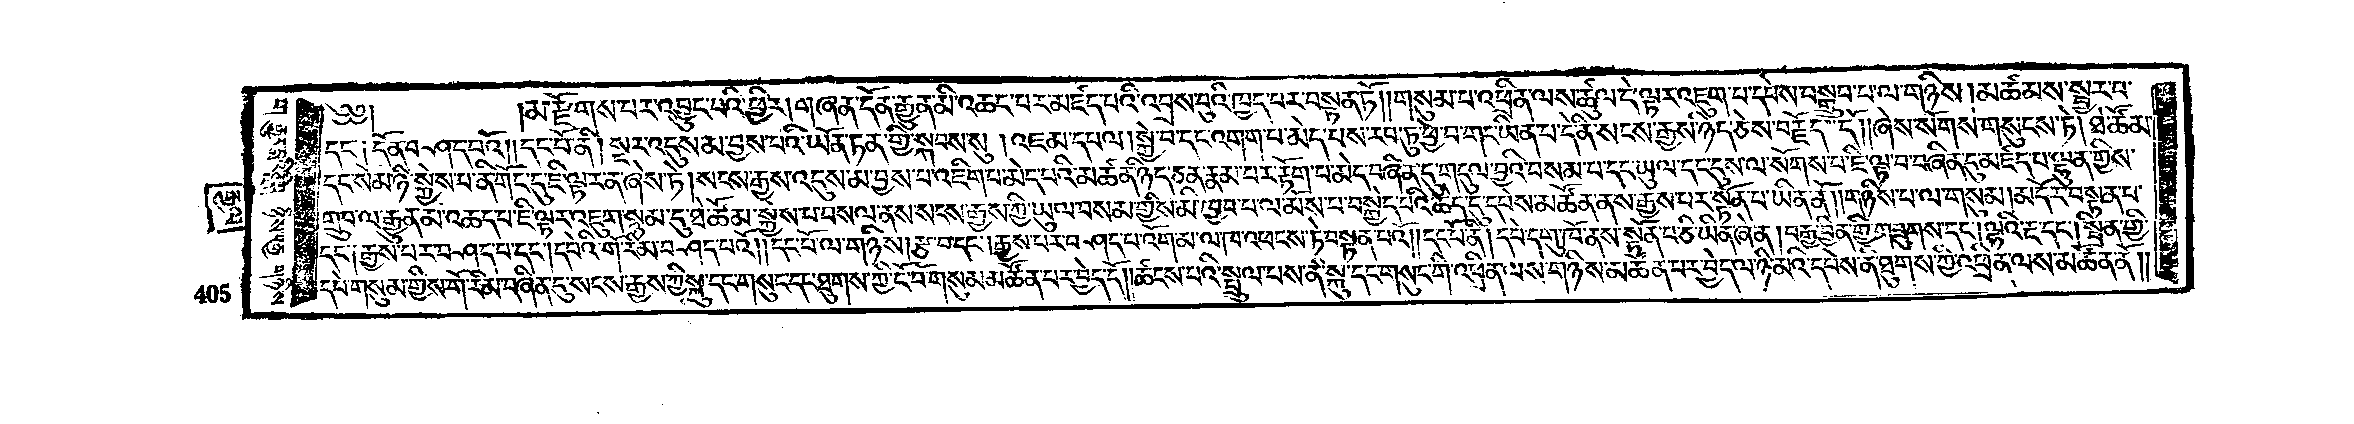༄༅། །མ་རྫོགས་པར་འབྱུང་བའི་ཕྱིར། གཞན་དོན་རྒྱུན་མི་འཆང་པར་མཛད་པའི་འབྲས་བུའི་ཁྱད་པར་བསྟན་ཏོ། །གསུམ་པ་འཕྲིན་ལས་ཚུལ་དེ་ལྟར་འཇུག་པ་དཔེས་བསྒྲུབ་པ་ལ་གཉིས། མཚམས་སྦྱར་བ་
དང༑ དོན་བཤད་པའོ། །དང་པོ་ནི། སྔར་འདུས་མ་བྱས་པའི་ཡོན་ཏན་གྱི་སྐབས་སུ། འཇམ་དཔལ། སྐྱེ་བ་དང་འགག་པ་མེད་པས་རབ་ཏུ་ཕྱེ་བ་གང་ཡིན་པ་དེ་ནི་སངས་རྒྱས་ཉིད་ཅེས་བརྗོད་དོ། །ཞེས་སོགས་གསུངས་ཏེ། ཐེ་ཚོམ་
དང་སེམས་ཉི་སྐྱེས་པ་ནི་གོང་དུ་ཇི་ལྟར་ན་ཞེས་ཏེ། སངས་རྒྱས་འདུས་མ་བྱས་པ་འཇིག་པ་མེད་པའི་མཚན་ཉིད་ཅན་རྣམ་པར་རྟོག་པ་མེད་བཞིན་དུ་གདུལ་བྱའི་བསམ་པ་དང་ཡུལ་དང་དུས་ལ་སོགས་པ་ཇི་ལྟ་བ་བཞིན་དུ་མཛད་པ་ལྷུན་གྱིས་
གྲུབ་ལ་རྒྱུན་མི་འཆད་པ་ཇི་ལྟར་འཇུག་སྙམ་དུ་ཐེ་ཚོམ་སྐྱེས་པ་བསལ་ནས་སངས་རྒྱས་ཀྱི་ཡུལ་བསམ་གྱིས་མི་ཁྱབ་པ་ལ་མོས་པ་བསྐྱེད་པའི་ཆད་དུ་དཔེས་མཚོན་ནས་རྒྱས་པར་སྟོན་པ་ཅི་ཡིན་ནོ། །གཉིས་པ་ལ་གསུམ། མདོར་བསྟྣ་པ་
དང༑ རྒྱས་པར་བཤད་པ་དང་། དཔེའི་གོ་རིམ་བཤད་པའོ། །དང་པོ་ལ་གཉིས། རྩ་བ་དང་། རྒྱས་པར་བཤད་པ་འོག་མ་ལ་ཁ་འཕངས་ཏེ་བསྟན་པའོ། །དང་པོ་ནི། དཔེ་དགུ་ཁོ་ནས་སྟོན་པ་ཅི་ཡིན་ཞེ་ན། བརྒྱ་བྱིན་གྱི་གཟུགས་དང་། ལྷའི་རྔ་དང་། སྤྲིན་གྱི་
དཔེ་གསུམ་གྱིས་གོ་རིམ་བཞིན་དུ་སངས་རྒྱས་ཀྱི་སྐུ་དང་གསུང་དང་ཐུགས་ཀྱི་ངོ་བོ་གསུམ་མཚོན་པར་བྱེད་དོ། །ཚངས་པའི་སྤྲུལ་པས་ནི་སྐུ་དང་གསུང་གི་ཕྲིན་ལས་གཉིས་མཚན་པར་བྱེད་ལ་ཉི་མའི་དཔེས་ནི་ཐུགས་ཀྱི་འཕྲིན་ལས་མཚོན་ནོ། །